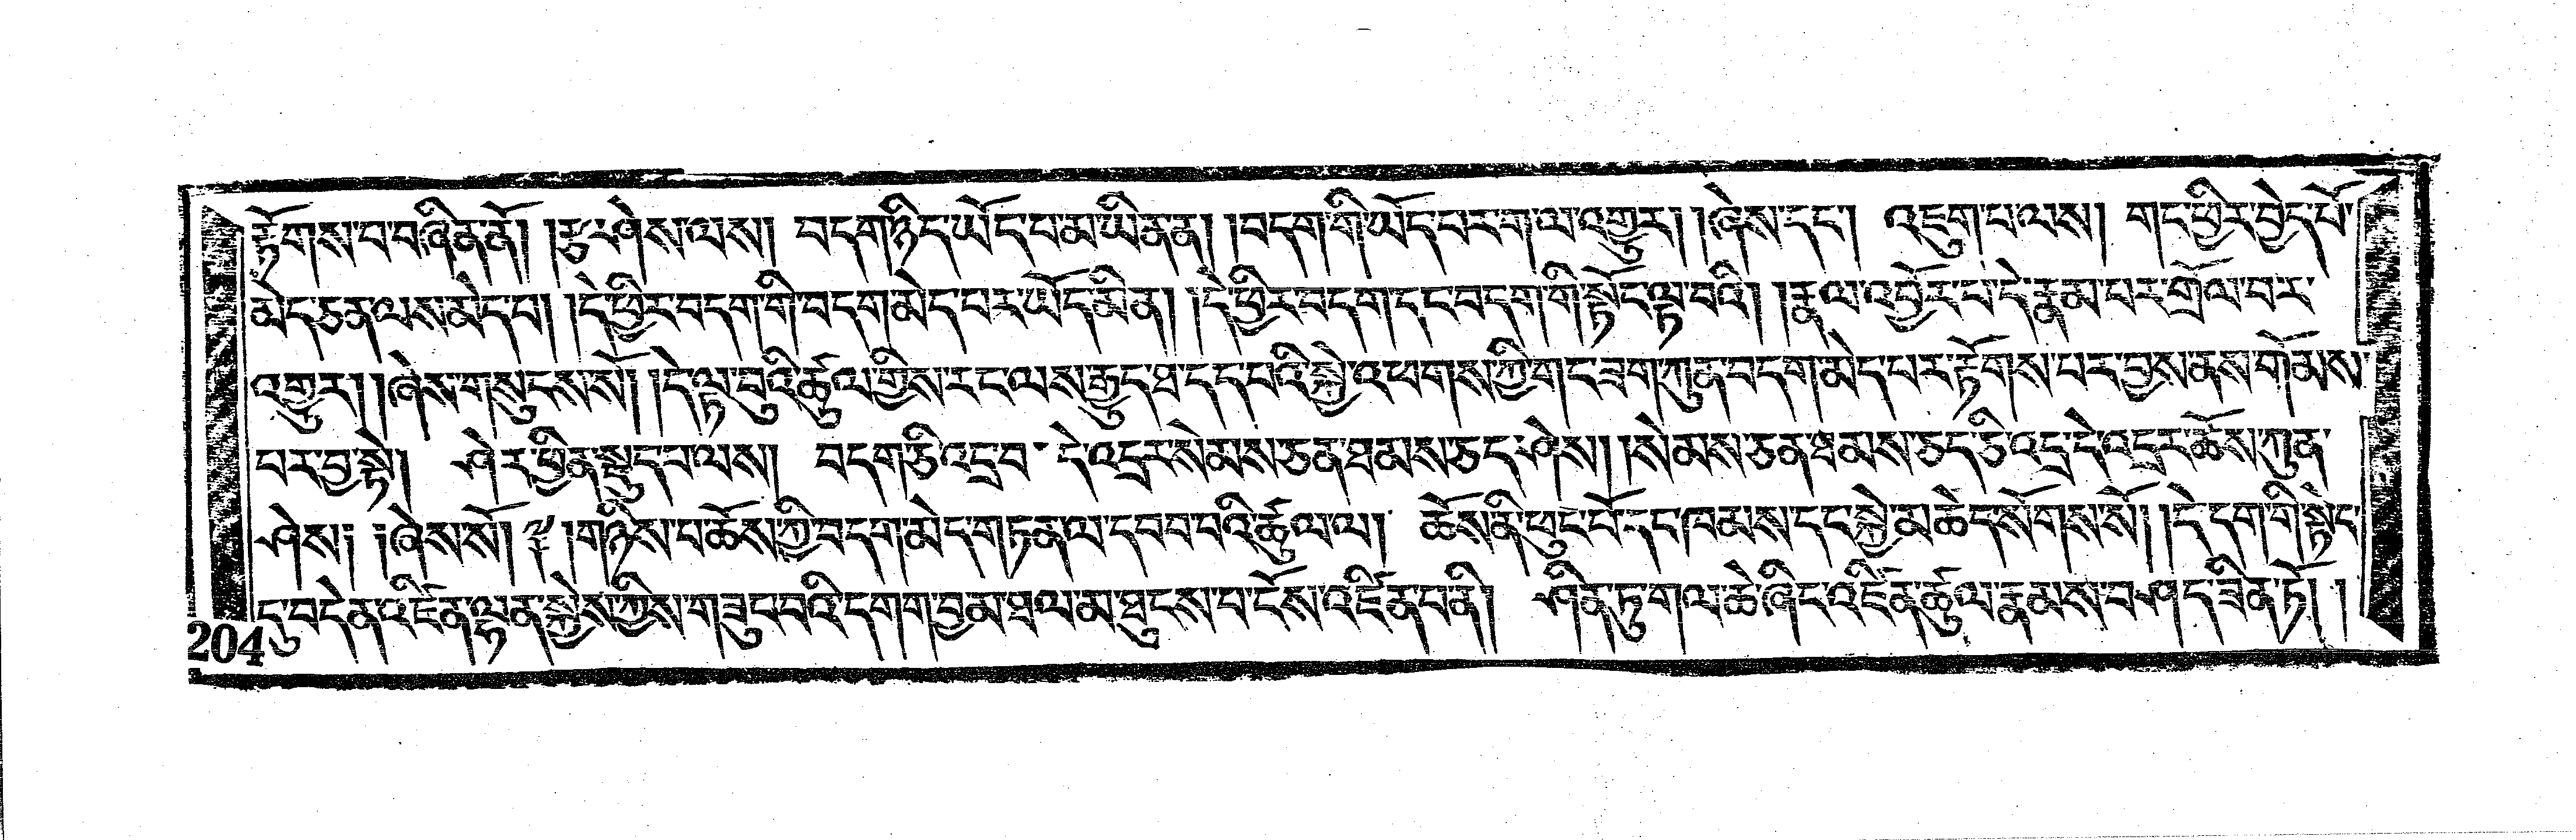རྟོགས་པ་བཞིན་ནོ། །རྩ་ཤེས་ལས། བདག་ཉིད་ཡོད་པ་མ་ཡིན་ན། །བདག་གི་ཡོད་པར་ག་ལ་འགྱུར། །ཞེས་དང་། འཇུག་པ་ལས། གང་ཕྱིར་བྱེད་པོ་
མེད་ཅན་ལས་མེད་པ། །དེ་ཕྱིར་བདག་གི་བདག་མེད་པར་ཡོད་མིན། །དེ་ཕྱིར་བདག་དང་བདག་གི་སྟོང་ལྟ་བའི། །རྣལ་འབྱོར་པ་དེ་རྣམ་པར་གྲོལ་བར་
འགྱུར། །ཞེས་གསུངས་སོ། །དེ་ལྟ་བུའི་ཚུལ་གྱིས་རང་ལས་རྒྱུད་ཐ་དད་པའི་སྐྱེ་འཕགས་ཀྱི་གང་ཟག་ཀུན་བདག་མེད་པར་རྟོགས་པར་བྱས་ནས་གོམས་
པར་བྱ་སྟེ། ཤེར་ཕྱིན་སྡུད་པ་ལས། བདག་ཅི་འདྲ་བ་དེ་འདྲར་སེམས་ཅན་ཐམས་ཅད་ཤེས། །སེམས་ཅན་ཐམས་ཅད་ཅི་འདྲ་དེ་འདྲར་ཆོས་ཀུན་
ཤེས༑ ༑ཞེས་སོ། ༈ །གཉིས་པ་ཆོས་ཀྱི་བདག་མེད་གཏན་ལ་དབབ་པའི་ཚུལ་ལ། ཆོས་ནི་ཕུང་པོ་དང་ཁམས་དང་སྐྱེ་མཆེད་སོགས་སོ། །དེ་དག་གི་སྟེང་
དུ་བདེན་འཛིན་ལྷན་སྐྱེས་ཀྱིས་གཟུང་བའི་དགག་བྱ་མ་ཐལ་མ་ཐུངས་པ་ངོས་འཛིན་པ་ནི། ཤིན་ཏུ་གལ་ཆེ་ཞིང་འཛིན་ཚུལ་རྣམས་བཤད་ཟིན་ཏོ། །